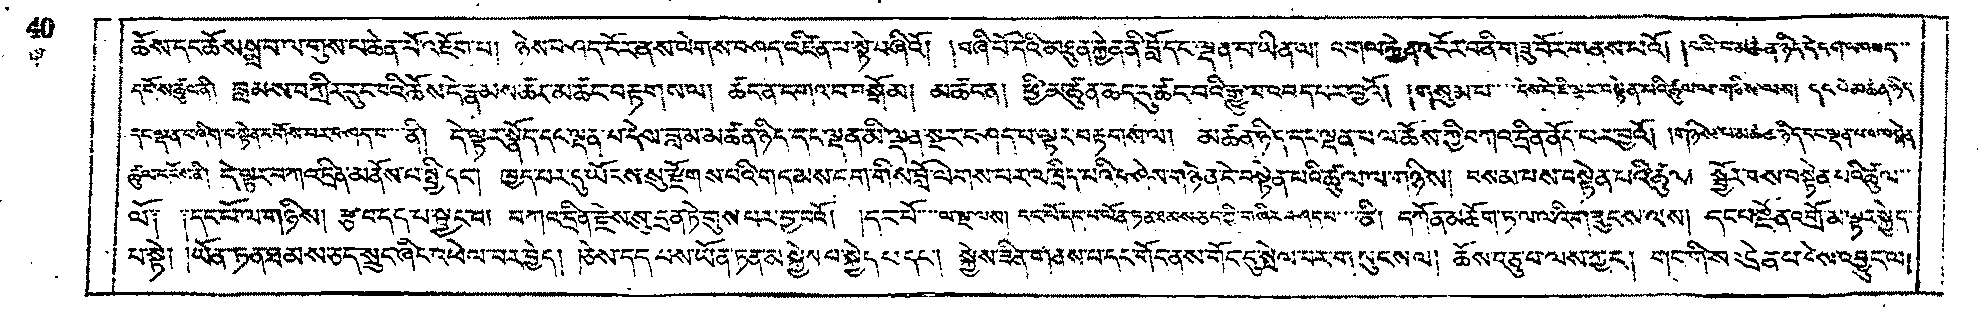ཆོས་དང་ཆོས་སྨྲ་བ་ལ་གུས་པ་ཆེན་པོ་འཇོག་པ། ཉེས་བཤད་དོར་ནས་ལེགས་བཤད་འཛིན་པ་སྟེ་བཞིའོ། །བཞི་པོ་དེའི་མཐུན་རྐྱེན་ནི་བློ་དང་ལྡན་པ་ཡིན་ལ། འགལ་རྐྱེན་འདོར་བ་ནི་གཟུ་བོར་གནས་པའོ། །བཞི་བ་མཚན་ཉིད་དེ་དག་ལ་འབད་
དགོས་ཚུལ་ནི། བླ་མས་བཀྲིར་རུང་བའི་ཆོས་དེ་རྣམས་ཚང་མ་ཚང་བརྟགས་ལ། ཚང་ན་དགའ་བ་བསྒོམ། མ་ཚང་ན། ཕྱི་མ་ཚུན་ཆད་དུ་ཚང་བའི་རྒྱུ་ལ་འབད་པར་བྱའོ། །གསུམ་པདེས་དེ་ཇི་ལྟར་བསྟེན་པའི་ཚུལ་ལ་གཉིས་ལས། དང་པོ་མཚན་ཉིད་
དང་ལྡན་པ་ཞིག་བསྟེན་དགོས་པར་བཤད་པནི། དེ་ལྟར་སྣོད་དང་ལྡན་པ་དེས་བླ་མ་མཚན་ཉིད་དང་ལྡན་མི་ལྡན་སྔར་བཤད་པ་ལྟར་བརྟགས་ལ། མཚན་ཉིད་དང་ལྡན་པ་ལ་ཆོས་ཀྱི་བཀའ་དྲིན་ནོད་པར་བྱའོ། །གཉིས་པ་མཚན་ཉིད་དང་ལྡན་པ་ལ་བསྟེན་
ཚུལ་དངོས་ནི། དེ་ལྟར་བཀའ་དྲིན་མནོས་པ་སྤྱི་དང་། ཁྱད་པར་དུ་ཡོངས་སུ་རྫོགས་པའི་གདམས་ངག་གིས་བློ་ལེགས་པར་འཁྲིད་པའི་བཤེས་གཉེན་དེ་བསྟེན་པའི་ཚུལ་ལ་གཉིས། བསམ་པས་བསྟེན་པའི་ཚུལ། སྦྱོར་བས་བསྟེན་པའི་ཚུལ་
ལོ༑ ༑དང་པོ་ལ་གཉིས། རྩ་བ་དད་པ་སྦྱང་བ། བཀའ་དྲིན་རྗེས་སུ་དྲན་ཏེ་གུས་པར་བྱ་བའོ། །དང་པོལ་ལྔ་ལས། དང་པོ་དད་པ་ཡོན་ཏན་ཐམས་ཅད་ཀྱི་གཞིར་བཤད་པནི། དཀོན་མཆོག་ཏ་ལ་ལའི་གཟུངས་ལས། དང་བསྔོན་འགྲོ་མ་ལྟར་སྐྱེད་
པ་སྟེ། །ཡོན་ཏན་ཐམས་ཅད་སྲུང་ཞིང་འཕེལ་བར་བྱེད། །ཅེས་དད་པས་ཡོན་ཏན་མ་སྐྱེས་པ་སྐྱེད་པ་དང་། སྐྱེས་ཟིན་གནས་པ་དང་གོང་ནས་གོང་དུ་སྤེལ་བར་གསུངས་ལ། ཆོས་བཅུ་པ་ལས་ཀྱང་། གང་གིས་འདྲེན་པ་ཉེས་?་འབྱུང་ལ།